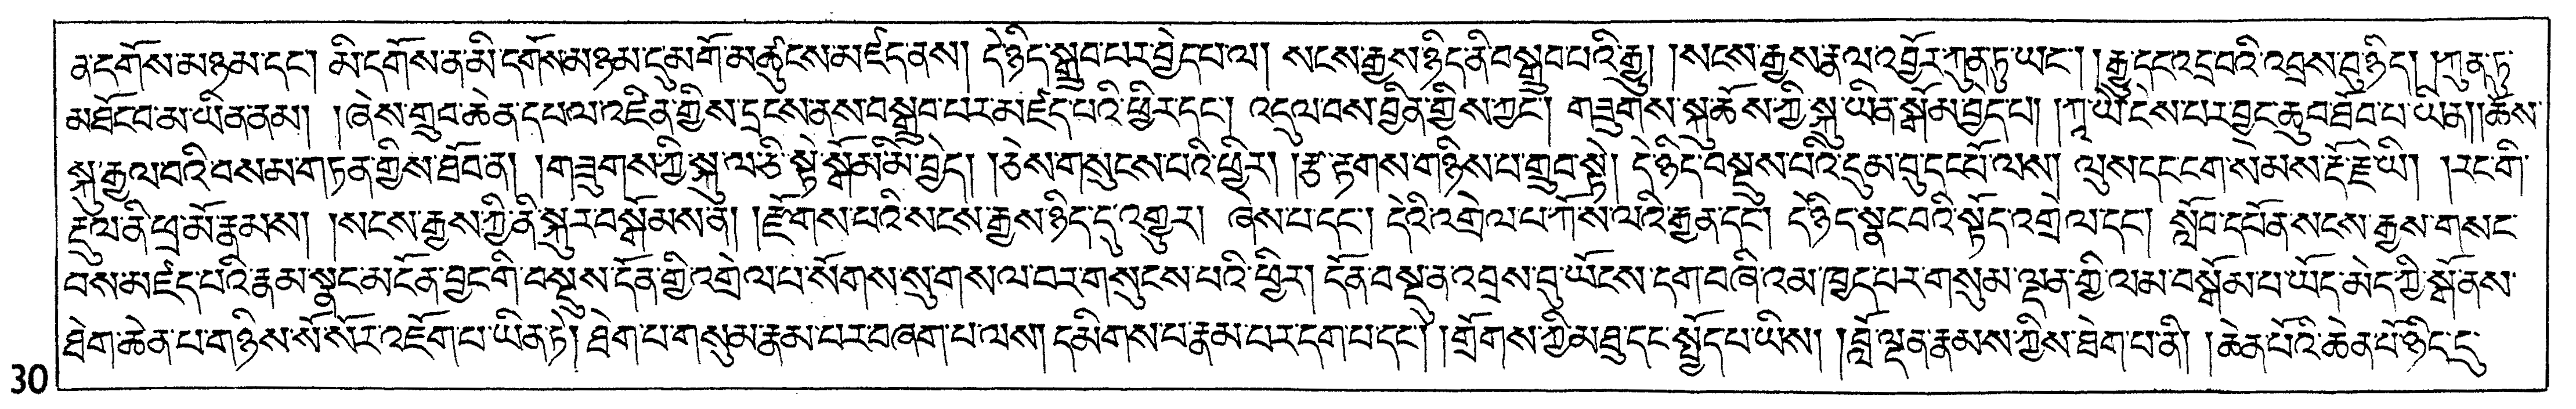ན་དགོས་མཉམ་དང་། མི་དགོས་ན་མི་དགོས་མཉམ་དུ་མགོ་མཚུངས་མཛད་ནས། དེ་ཉིད་སྒྲུབ་པར་བྱེད་པ་ལ། སངས་རྒྱས་ཉིད་ནི་བསྒྲུབ་པའི་རྒྱུ། །སངས་རྒྱས་རྣལ་འབྱོར་ཀུན་ཏུ་ཡང་། །རྒྱུ་དང་འདྲ་བའི་འབྲས་བུ་ཉིད། །ཀུན་ཏུ་
མཐོང་བ་མ་ཡིན་ནམ། །ཞེས་གྲུབ་ཆེན་དཔལ་འཛིན་གྱིས་དྲངས་ནས་བསྒྲུབ་པར་མཛད་པའི་ཕྱིར་དང་། འདུལ་བས་བྱིན་གྱིས་ཀྱང་། གཟུགས་སྐུ་ཆོས་ཀྱི་སྐུ་ཡིན་སྒོམ་བྱེད་པ། །ཀཱ་ཡེ་ངེས་པར་བྱང་ཆུབ་ཐོབ་པ་ཡིན། །ཆོས་
སྐུ་རྒྱལ་བའི་བསམ་གཏན་གྱིས་ཐོབ་ན། །གཟུགས་ཀྱི་སྐུ་ལ་ཅི་སྟེ་སྒོམ་མི་བྱེད། །ཅེས་གསུངས་པའི་ཕྱིར། །རྩ་རྟགས་གཉིས་པ་གྲུབ་སྟེ། དེ་ཉིད་བསྡུས་པའི་དུམ་བུ་དང་པོ་ལས། ལུས་དང་ངག་སེམས་རྡོ་རྗེ་ཡི། །རང་གི་
རྡུལ་ནི་ཕྲ་མོ་རྣམས། །སངས་རྒྱས་ཀྱི་ནི་སྐུར་བསྒོམས་ན། །རྫོགས་པའི་སངས་རྒྱས་ཉིད་དུ་འགྱུར། ཞེས་པ་དང་། དེའི་འགྲེལ་པ་ཀོ་ས་ལའི་རྒྱན་དང་། དེ་ཉིད་སྣང་བའི་སྟོད་འགྲེལ་དང་། སློབ་དཔོན་སངས་རྒྱས་གསང་
བས་མཛད་པའི་རྣམ་སྣང་མངོན་བྱང་གི་བསྡུས་དོན་གྱི་འགྲེལ་པ་སོགས་སུ་གསལ་བར་གསུངས་པའི་ཕྱིར། དོན་བསྡུ་ན་འབྲས་བུ་ཡོངས་དག་བཞི་འམ་ཁྱད་པར་གསུམ་ལྡན་གྱི་ལམ་བསྒོམ་པ་ཡོད་མེད་ཀྱི་སྒོ་ནས་
ཐེག་ཆེན་པ་གཉིས་སོ་སོར་འཇོག་པ་ཡིན་ཏེ། ཐེག་པ་གསུམ་རྣམ་པར་བཞག་པ་ལས། དམིགས་པ་རྣམ་པར་དག་པ་དང་། །གྲོགས་ཀྱི་མཐུ་དང་སྤྱོད་པ་ཡིས། །བློ་ལྡན་རྣམས་ཀྱིས་ཐེག་པ་ནི། །ཆེན་པོའི་ཆེན་པོ་ཉིད་དུ་